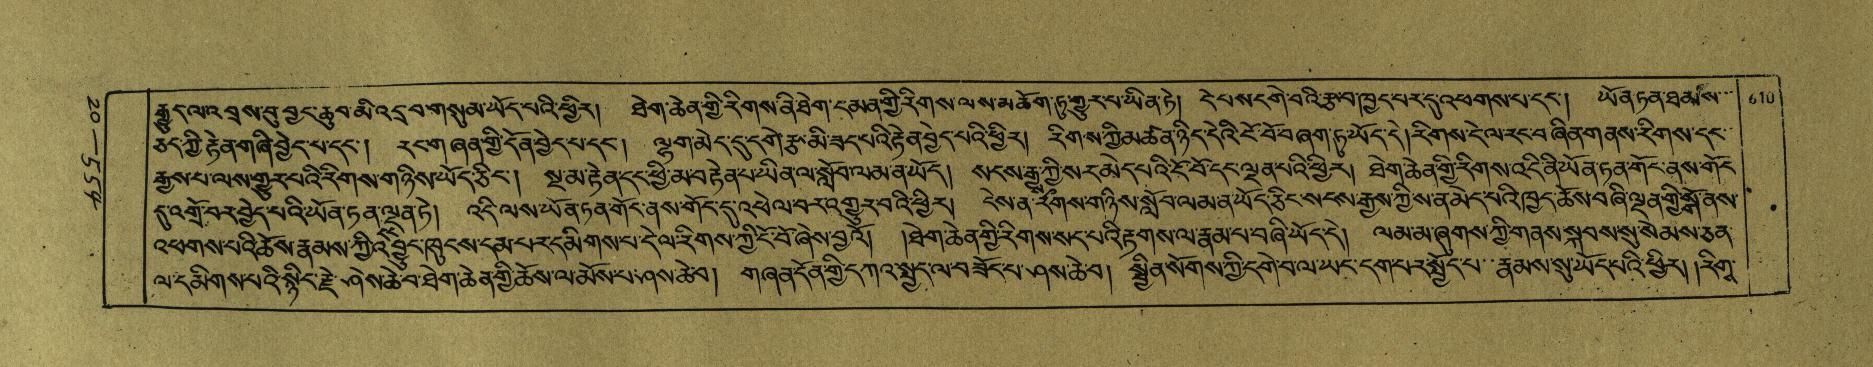རྒྱུད་ལ་འབྲས་བུ་བྱང་ཆུབ་མི་འདྲ་བ་གསུམ་ཡོད་པའི་ཕྱིར། ཐེག་ཆེན་གྱི་རིགས་ནི་ཐེག་དམན་གྱི་རིགས་ལས་མཆོག་ཏུ་གྱུར་པ་ཡིན་ཏེ། དེ་པས་དགེ་བའི་རྩ་བ་ཁྱད་པར་དུ་འཕགས་པ་དང་། ཡོན་ཏན་ཐམས་
ཅད་ཀྱི་རྟེན་གཞི་བྱེད་པ་དང་། རང་ཞན་གྱི་དོན་བྱེད་པ་དང་། ལྷག་མེད་དུ་དགེ་རྩ་མི་ཟད་པའི་རྟེན་བྱེད་པའི་ཕྱིར། རིགས་ཀྱི་མཚན་ཉིད་དེའི་ངོ་བོ་བཞག་ཏུ་ཡོད་དེ། རིགས་དེ་ལ་རང་བཞིན་གནས་རིགས་དང་
རྒྱས་པ་ལས་གྱུར་པའི་རིགས་གཉིས་ཡོད་ཅིང་། སྔ་མ་རྟེན་དང་ཕྱི་མ་བརྟེན་པ་ཡིན་ལ་སློབ་ལམ་ན་ཡོད། སངས་རྒྱས་ཀྱི་སར་མེད་པའི་ངོ་བོ་དང་ལྡན་པའི་ཕྱིར། ཐེག་ཆེན་གྱི་རིགས་འདི་ནི་ཡོན་ཏན་གོང་ནས་གོང་
དུ་འགྲོ་བར་བྱེད་པའི་ཡོན་ཏན་ལྡན་ཏེ། འདི་ལས་ཡོན་ཏན་གོང་ནས་གོང་དུ་འཕེལ་བར་འགྱུར་བའི་ཕྱིར། དེས་ན་རྀགས་གཉིས་སློབ་ལམ་ན་ཡོད་ཅིང་སངས་རྒྱས་ཀྱིས་ན་མེད་པའི་ཁྱད་ཆོས་བཞི་ལྡན་གྱི་སྒོ་ནས་
འཕགས་པའི་ཆོས་རྣམས་ཀྱི་འབྱུང་ཁུངས་དམ་པར་དམིགས་པ་དེ་ལ་རིགས་ཀྱི་ངོ་བོ་ཞེས་བྱའོ། །ཐེག་ཆེན་གྱི་རིགས་སད་པའི་རྟགས་ལ་རྣམ་པ་བཞི་ཡོད་དེ། ལམ་མ་ཞུགས་ཀྱི་གནས་སྐབས་སུ་སེམས་ཅན་
ལ་དམིགས་པའི་སྙིང་རྗེ་ཤེས་ཆེ་བ་ཐེག་ཆེན་གྱི་ཆོས་ལ་མོས་པ་ཤས་ཆེ་བ། གཞན་དོན་གྱི་དཀའ་སྤྱད་ལ་བཟོད་པ་ཤས་ཆེ་བ། སྦྱིན་སོགས་ཀྱི་དགེ་བ་ལ་ཡང་དག་པར་སྤྱོད་པ་རྣམས་སུ་ཡོད་པའི་ཕྱིར། །རིགས་